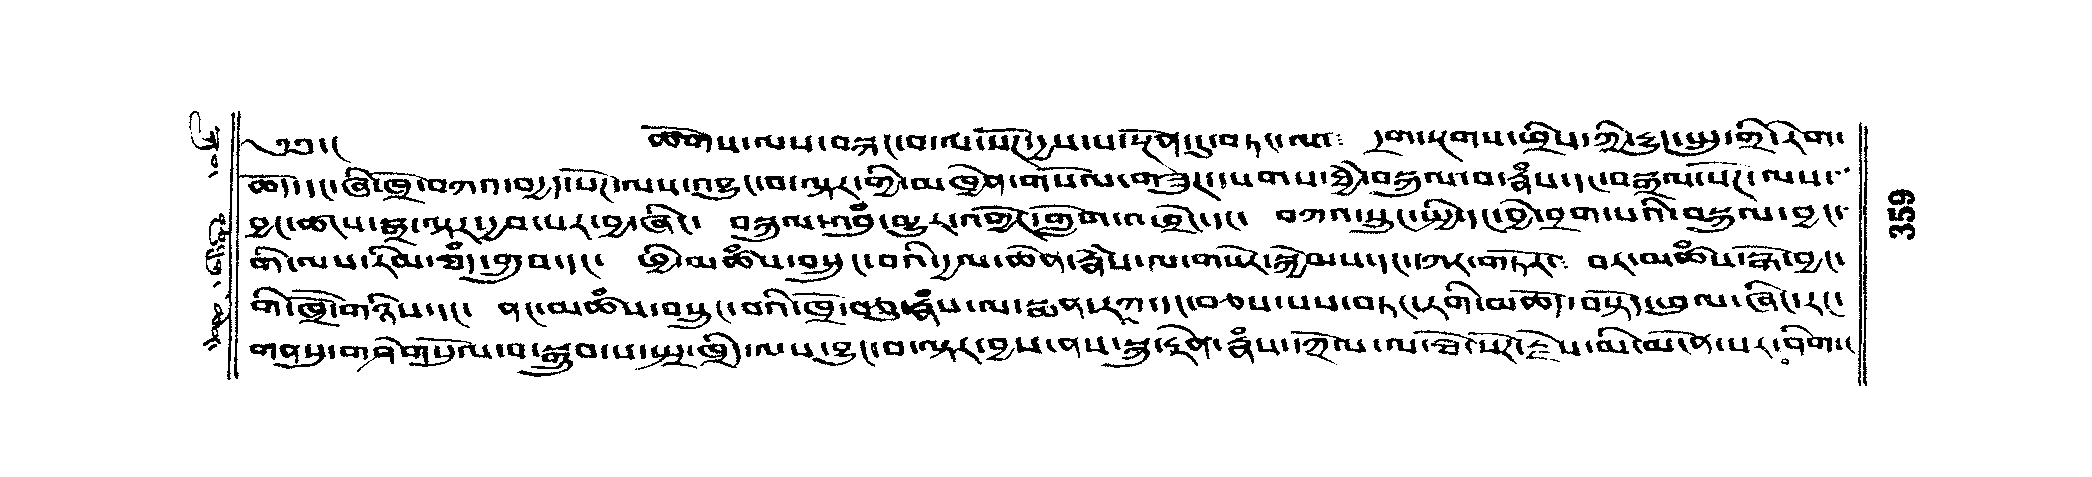ཚོགས་ལས་བསྐང་བ་ལ་སོགས་རྒྱས་པ་སྔོན་དུ་བཏང་ལ༴ དྲག་སྔགས་ཕྲིན་ལས་ཀྱི་རྒྱུད་སྤུ་གྲི་རེག་
ཆོད་དང་ཞི་ཁྲོ་བཀའ་བརྒྱད་སོགས་ལས་འབྱུང་བ་ལྟར་གྱི་མཁྱེན་གོལ་གཟུགས་དཔགས་ཐུགས་དམ་བསྐུལ་བ་རྣམས་དང་བསྒྲལ་སོགས་ལས་
བྱང་ཚངས་སྒྲ་ལྟར་རྒྱབ་པར་བྱ་ཞིང་། བསྐུལ་འབུམ་མྱུར་འགྱེགས་གླེག་འཕྲེང་དང་། བཀའ་སྲུང་སྤྱི་དང་བྱེ་བྲག་པའི་བསྐུལ་བྱང་
གི་ལས་རིམ་ཐམས་ཅད་གྲུབ་དང་། ཕྱི་མཚམས་བསྲུང་བའི་རྒྱལ་ཆེན་རྣམས་ལ་གསེར་སྐྱེམས་དང་དཀར་གཏོར༴ བར་མཚམས་སྒོ་བྱང་
གི་ཁྲོ་བོ་གཉིས་དང་། ནང་མཚམས་བསྲུང་བའི་ཁྲོ་བཅུ་རྣམས་ལ་སྨན་རཱཀདང་བཅས་པས་བཏང་རག་གི་མཆོད་བསྟོད་ཕུལ་ཞིང་རང་
གནས་སུ་གཤེགས་སུ་གསོལ་བ་སྒྲུབ་པ་སྤྲ་ཁྲིད་ལས་བྱུང་བ་ལྟར་བྱས་ནས་སྐུ་རྟེན་རྣམས་དཀྲོལ་ལ་ཐེ་སེར་རྗེས་མི་མངོན་པར་ལ་ཤིག